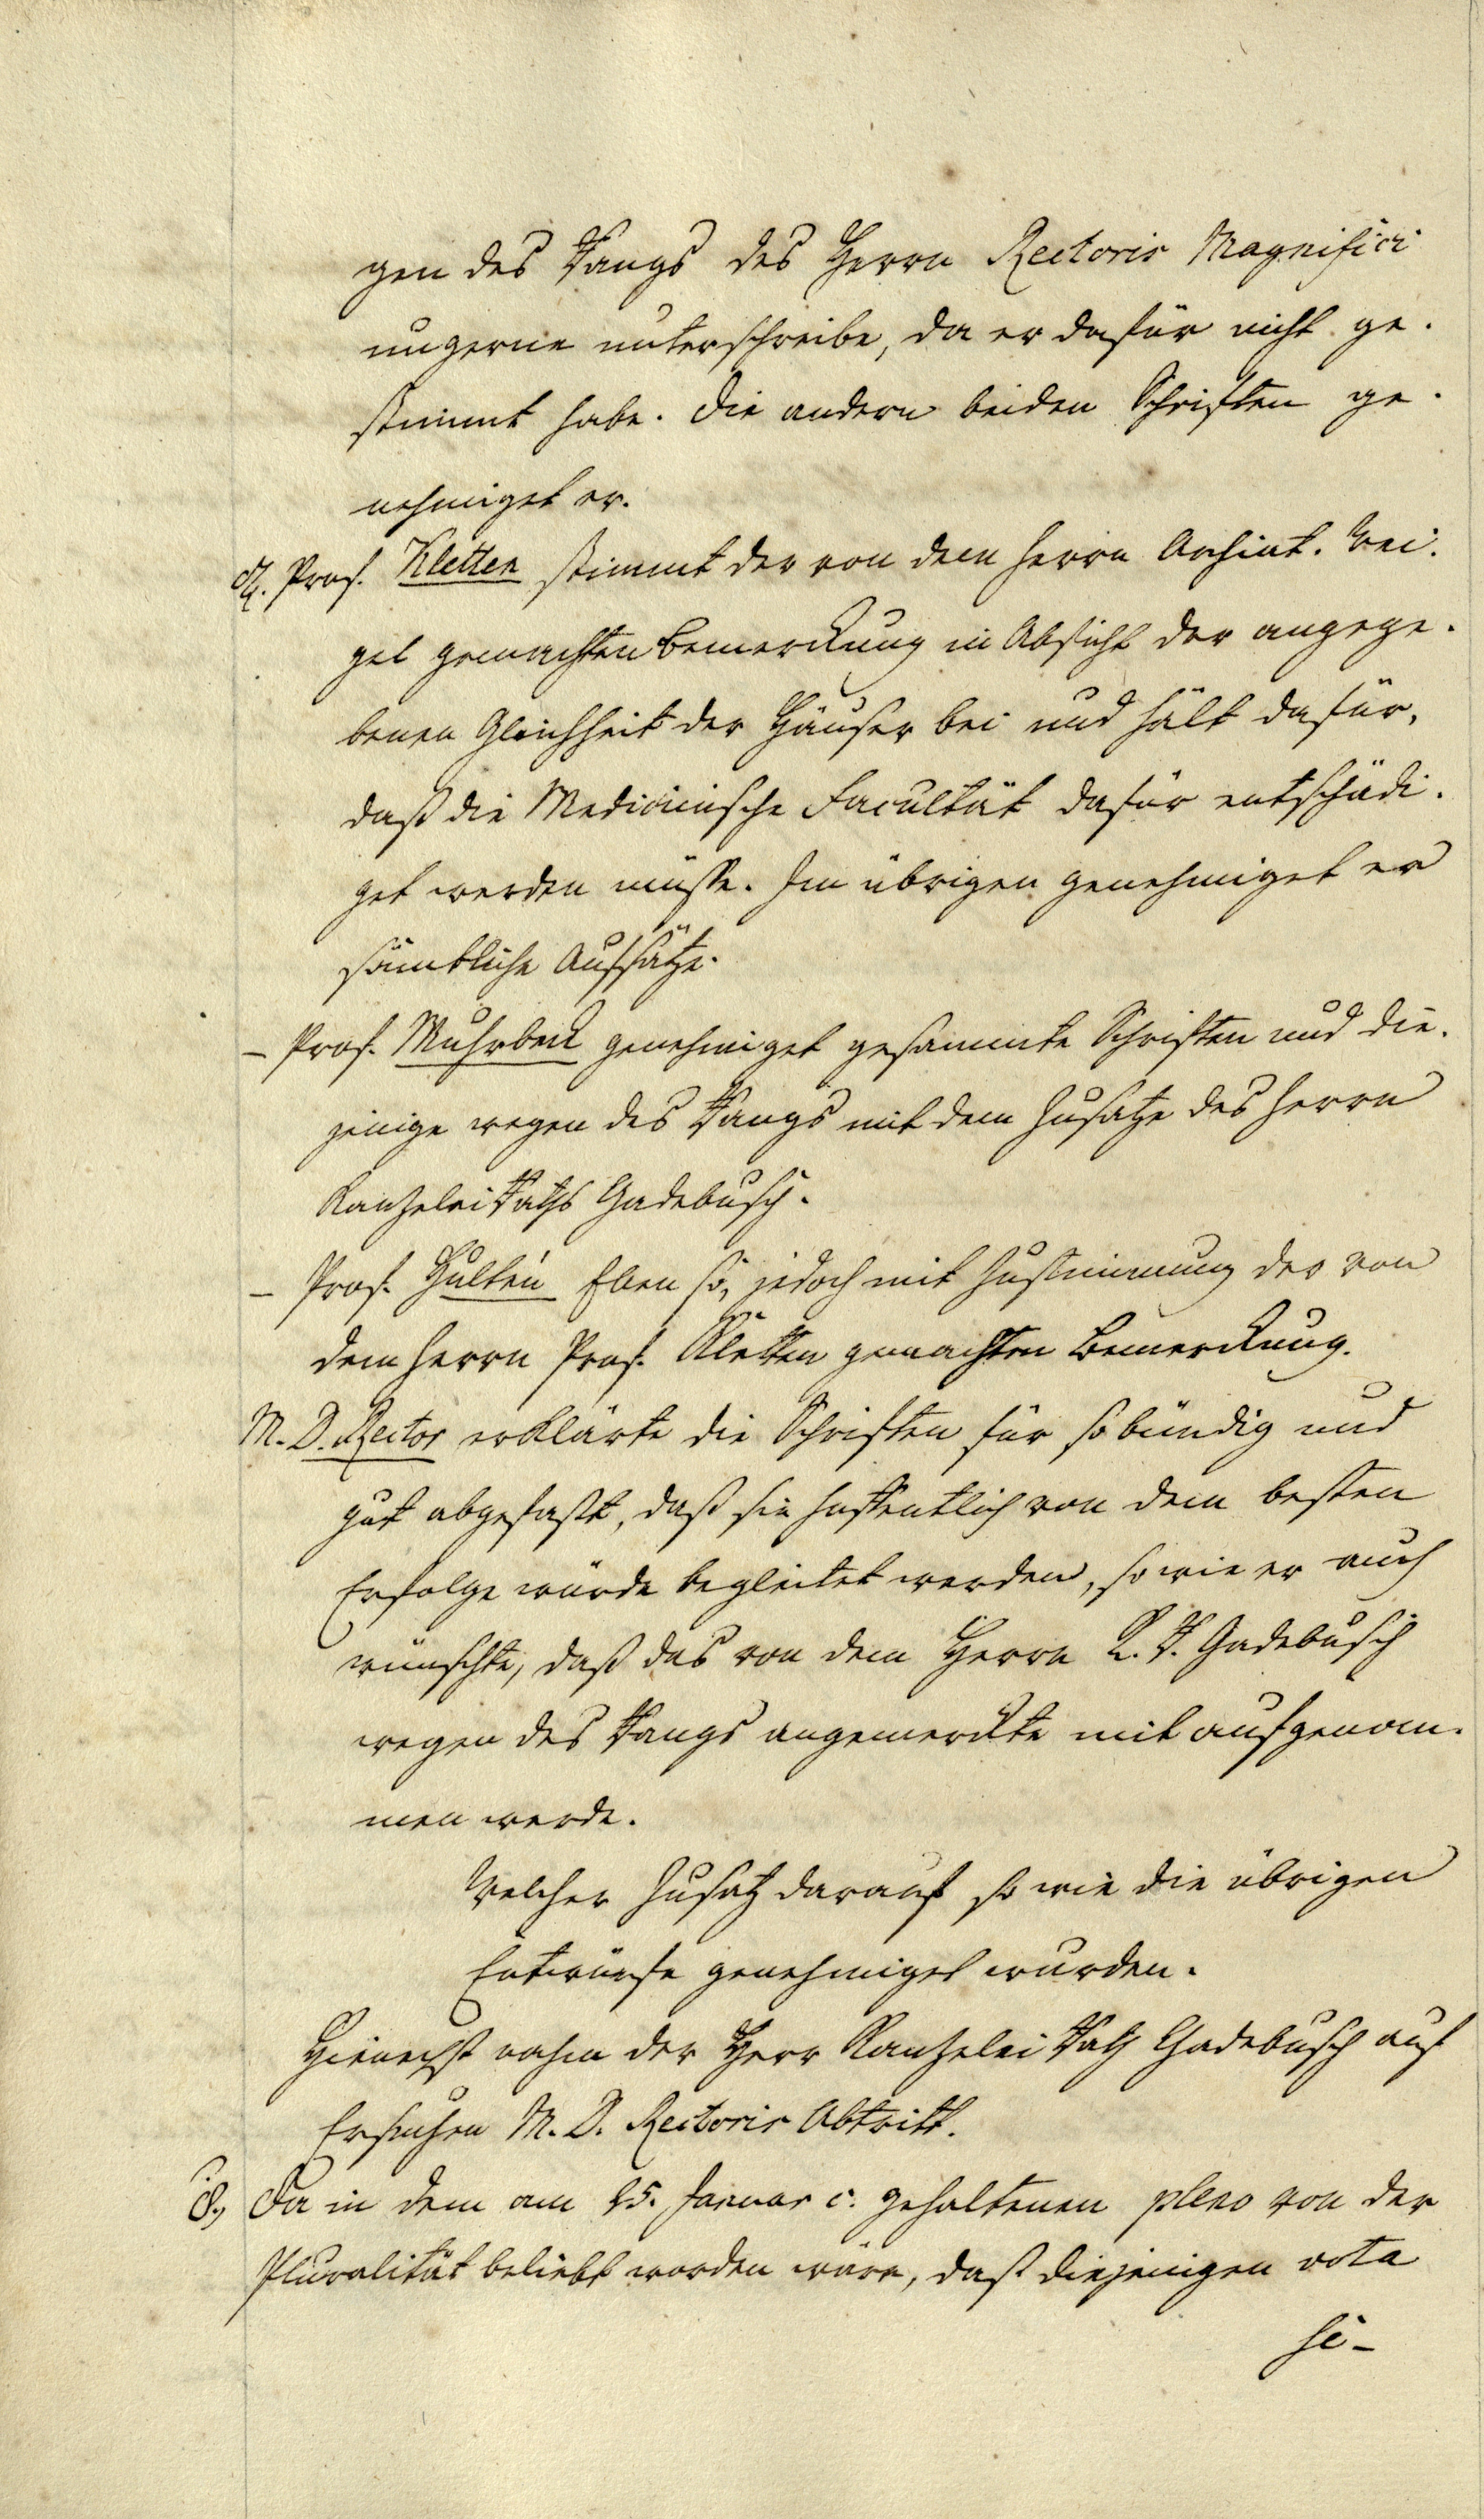gen des Rangs des Herrn Rectoris Magnifici
ungerne unterschreibe, da er dafür nicht ge¬
stimmt habe. Die andern beiden Schriften ge¬
nehmiget er.
dh. Prof. Kletten stimmt der von dem Herrn Archiat. Wei¬
gel gemachten Bemerckung in Absicht der angege¬
benen Gleichheit der Häuser bei und hält dafür,
daß die Medicinische Facultät dafür entschädi¬
get werden müsse. Im übrigen genehmiget er
sämtliche Aufsätze.
Prof. Muhrbeck genehmiget gesammte Schriften und die¬
jenige wegen des Rangs mit dem Zusatze des Herrn
Kanzelei Raths Gadebusch.
Prof. Hultén Eben so, jedoch mit Zustimmung der von
dem Herrn Prof. Kletten gemachten Bemerckung.
M. D Rector erklärte die Schriften für so bündig und
gut abgefaßt, daß sie hoffentlich von dem besten
Erfolge würde begleitet werden, so wie er auch
wünschte, daß das von dem Herrn K. R. Gadebusch
wegen des Rangs angemerckte mit aufgenom¬
men werde.
Welcher Zusatz darauf so wie die übrigen
Entwürfe genehmiget wurden.
Hienechst nahm der Herr Kanzelei Rath Gadebusch auf
Ersuchen M. D. Rectoris Abtritt.
8., Da in dem am 25. Januar c. gehaltenen pleno von der
Pluralität beliebt worden wäre, daß diejenigen vota
se¬